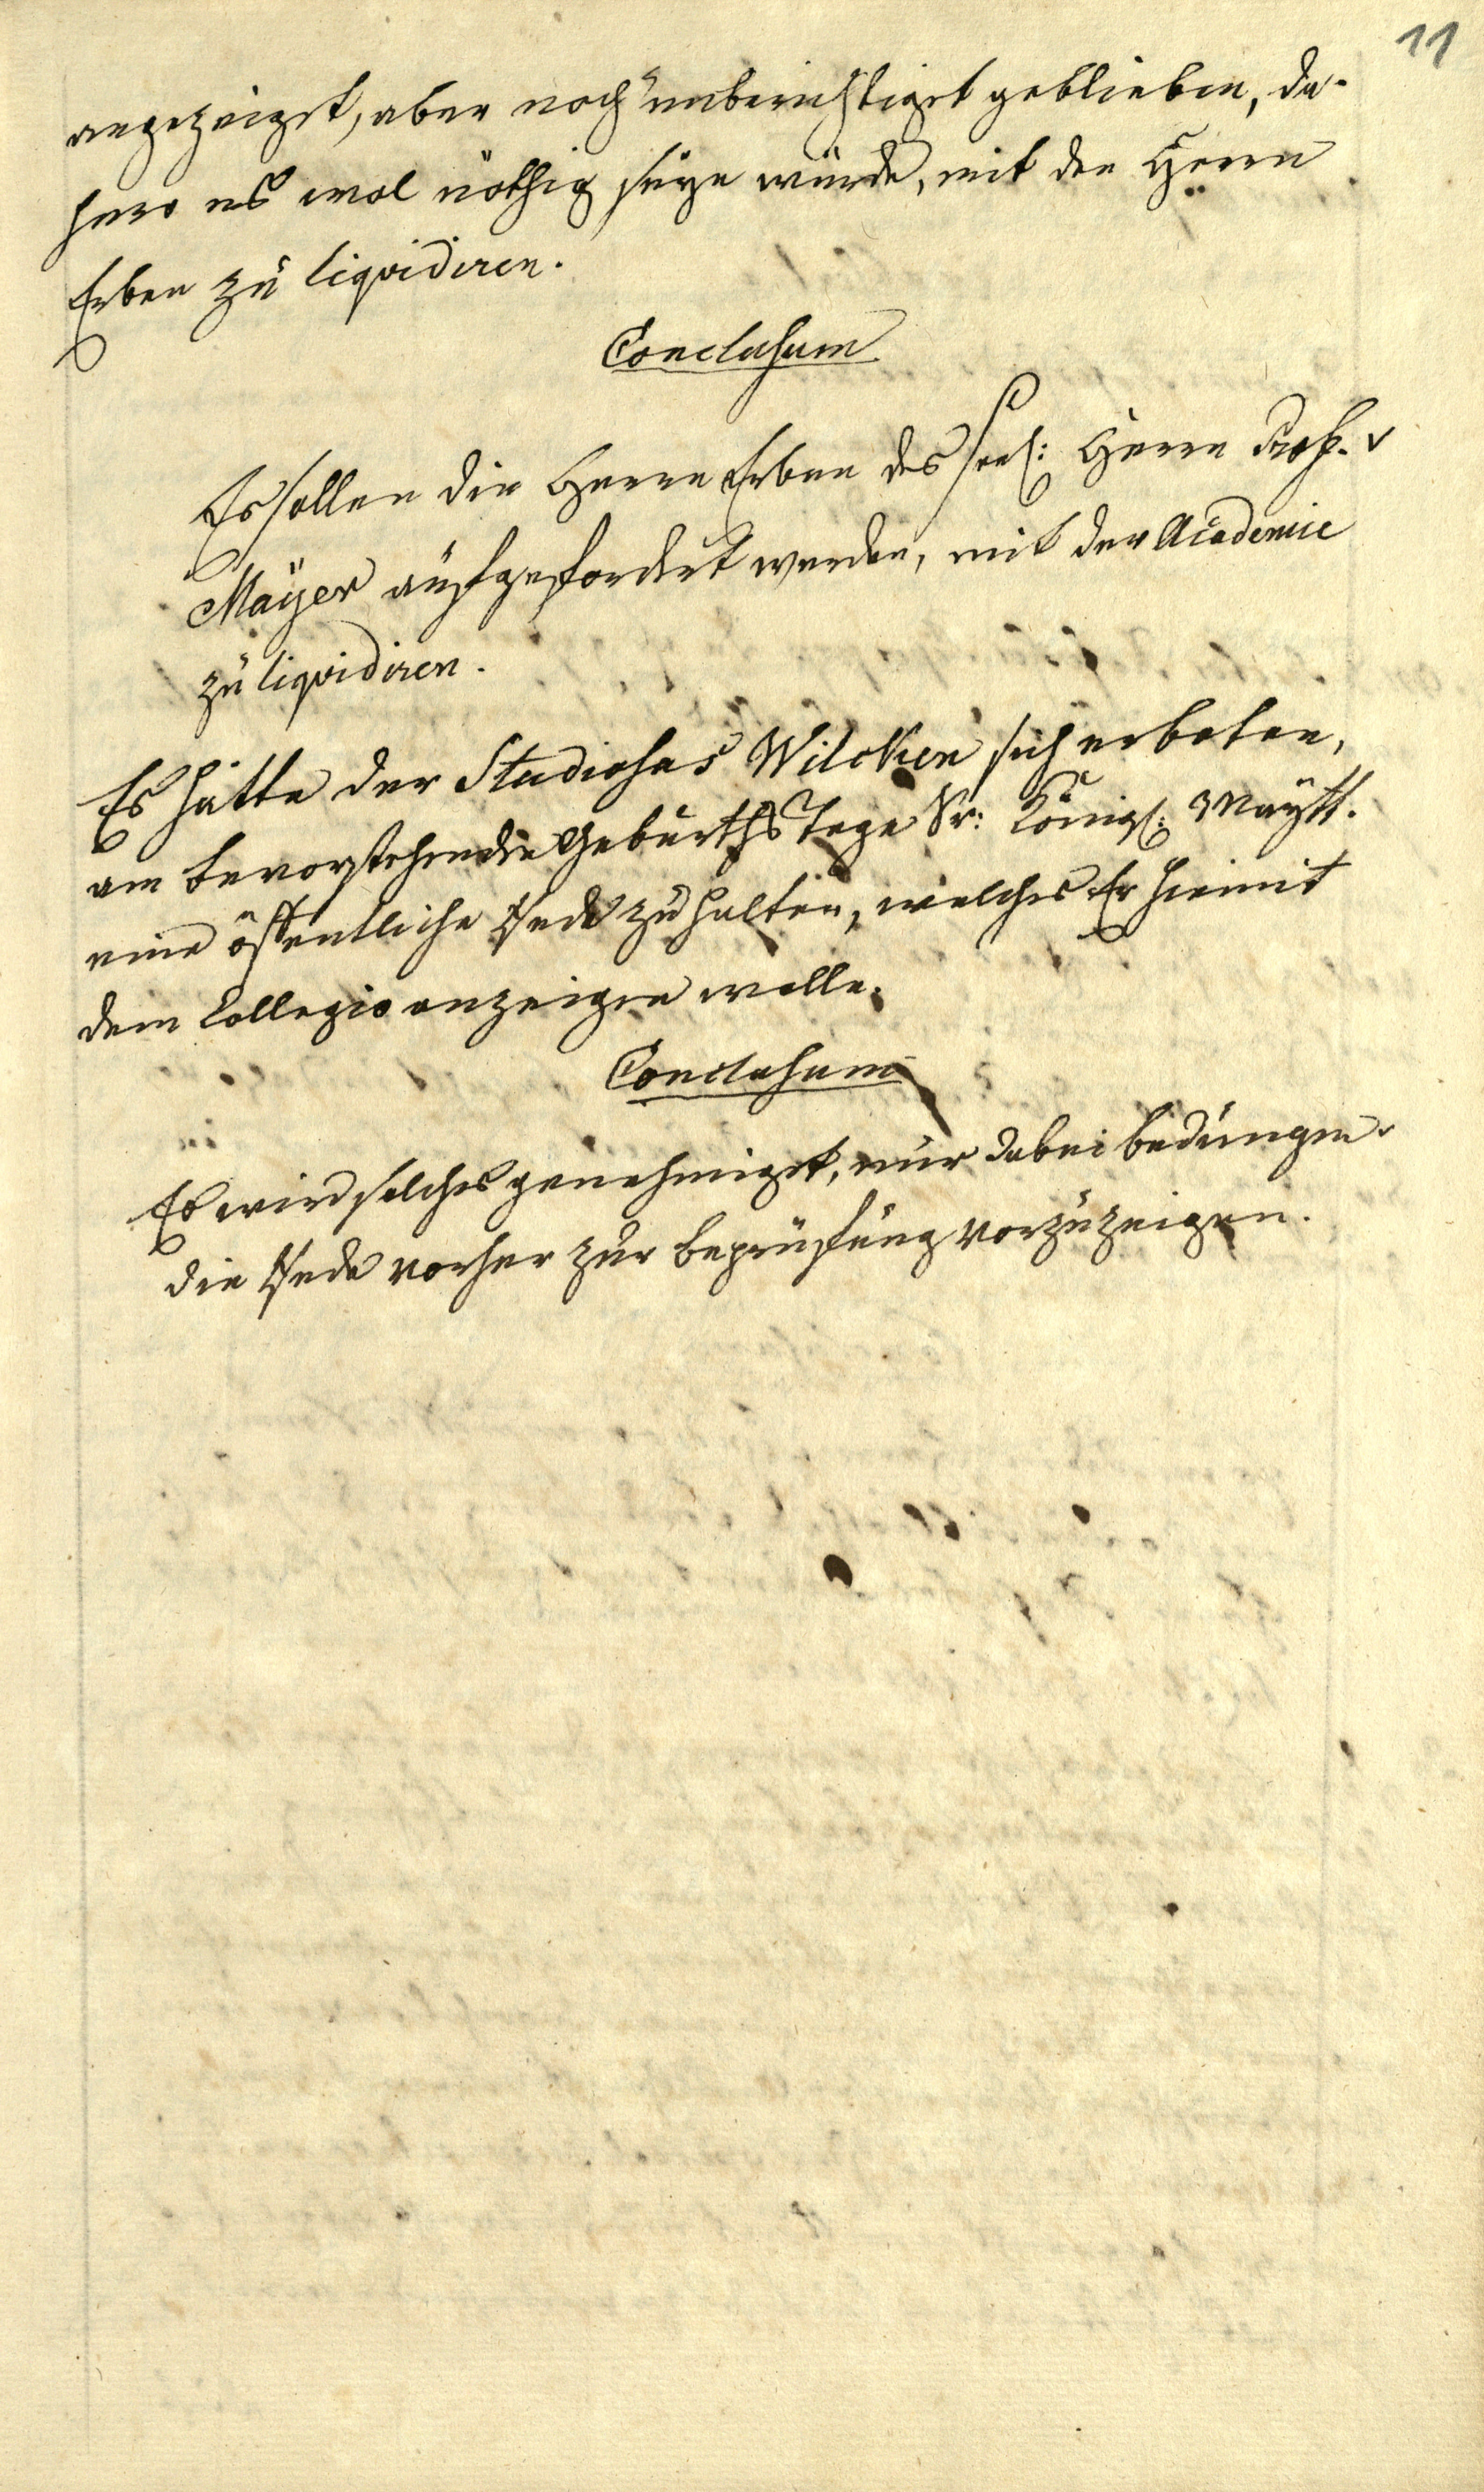angezeiget, aber noch unberichtiget geblieben, da¬
hero es wol nöthig seÿn würde, mit den Herrn
Erben zu liquidiren.
Conclusum
Es sollen die Herrn Erben des seel. Herrn Prof.
Maÿer aufgefordert werden, mit der Academie
zu liquidiren.
Es hätte der Studiosus Wilcken sich erboten,
am bevorstehenden Geburths Tage Sr Königl. Maÿtt.
eine öffentliche Rede zu halten, welches Er hiemit
dem Collegio anzeigen wolle.
Conclusum
Es wird solches genehmiget, nur dabei bedungen,
die Rede vorher zur Beprüfung vorzuzeigen.